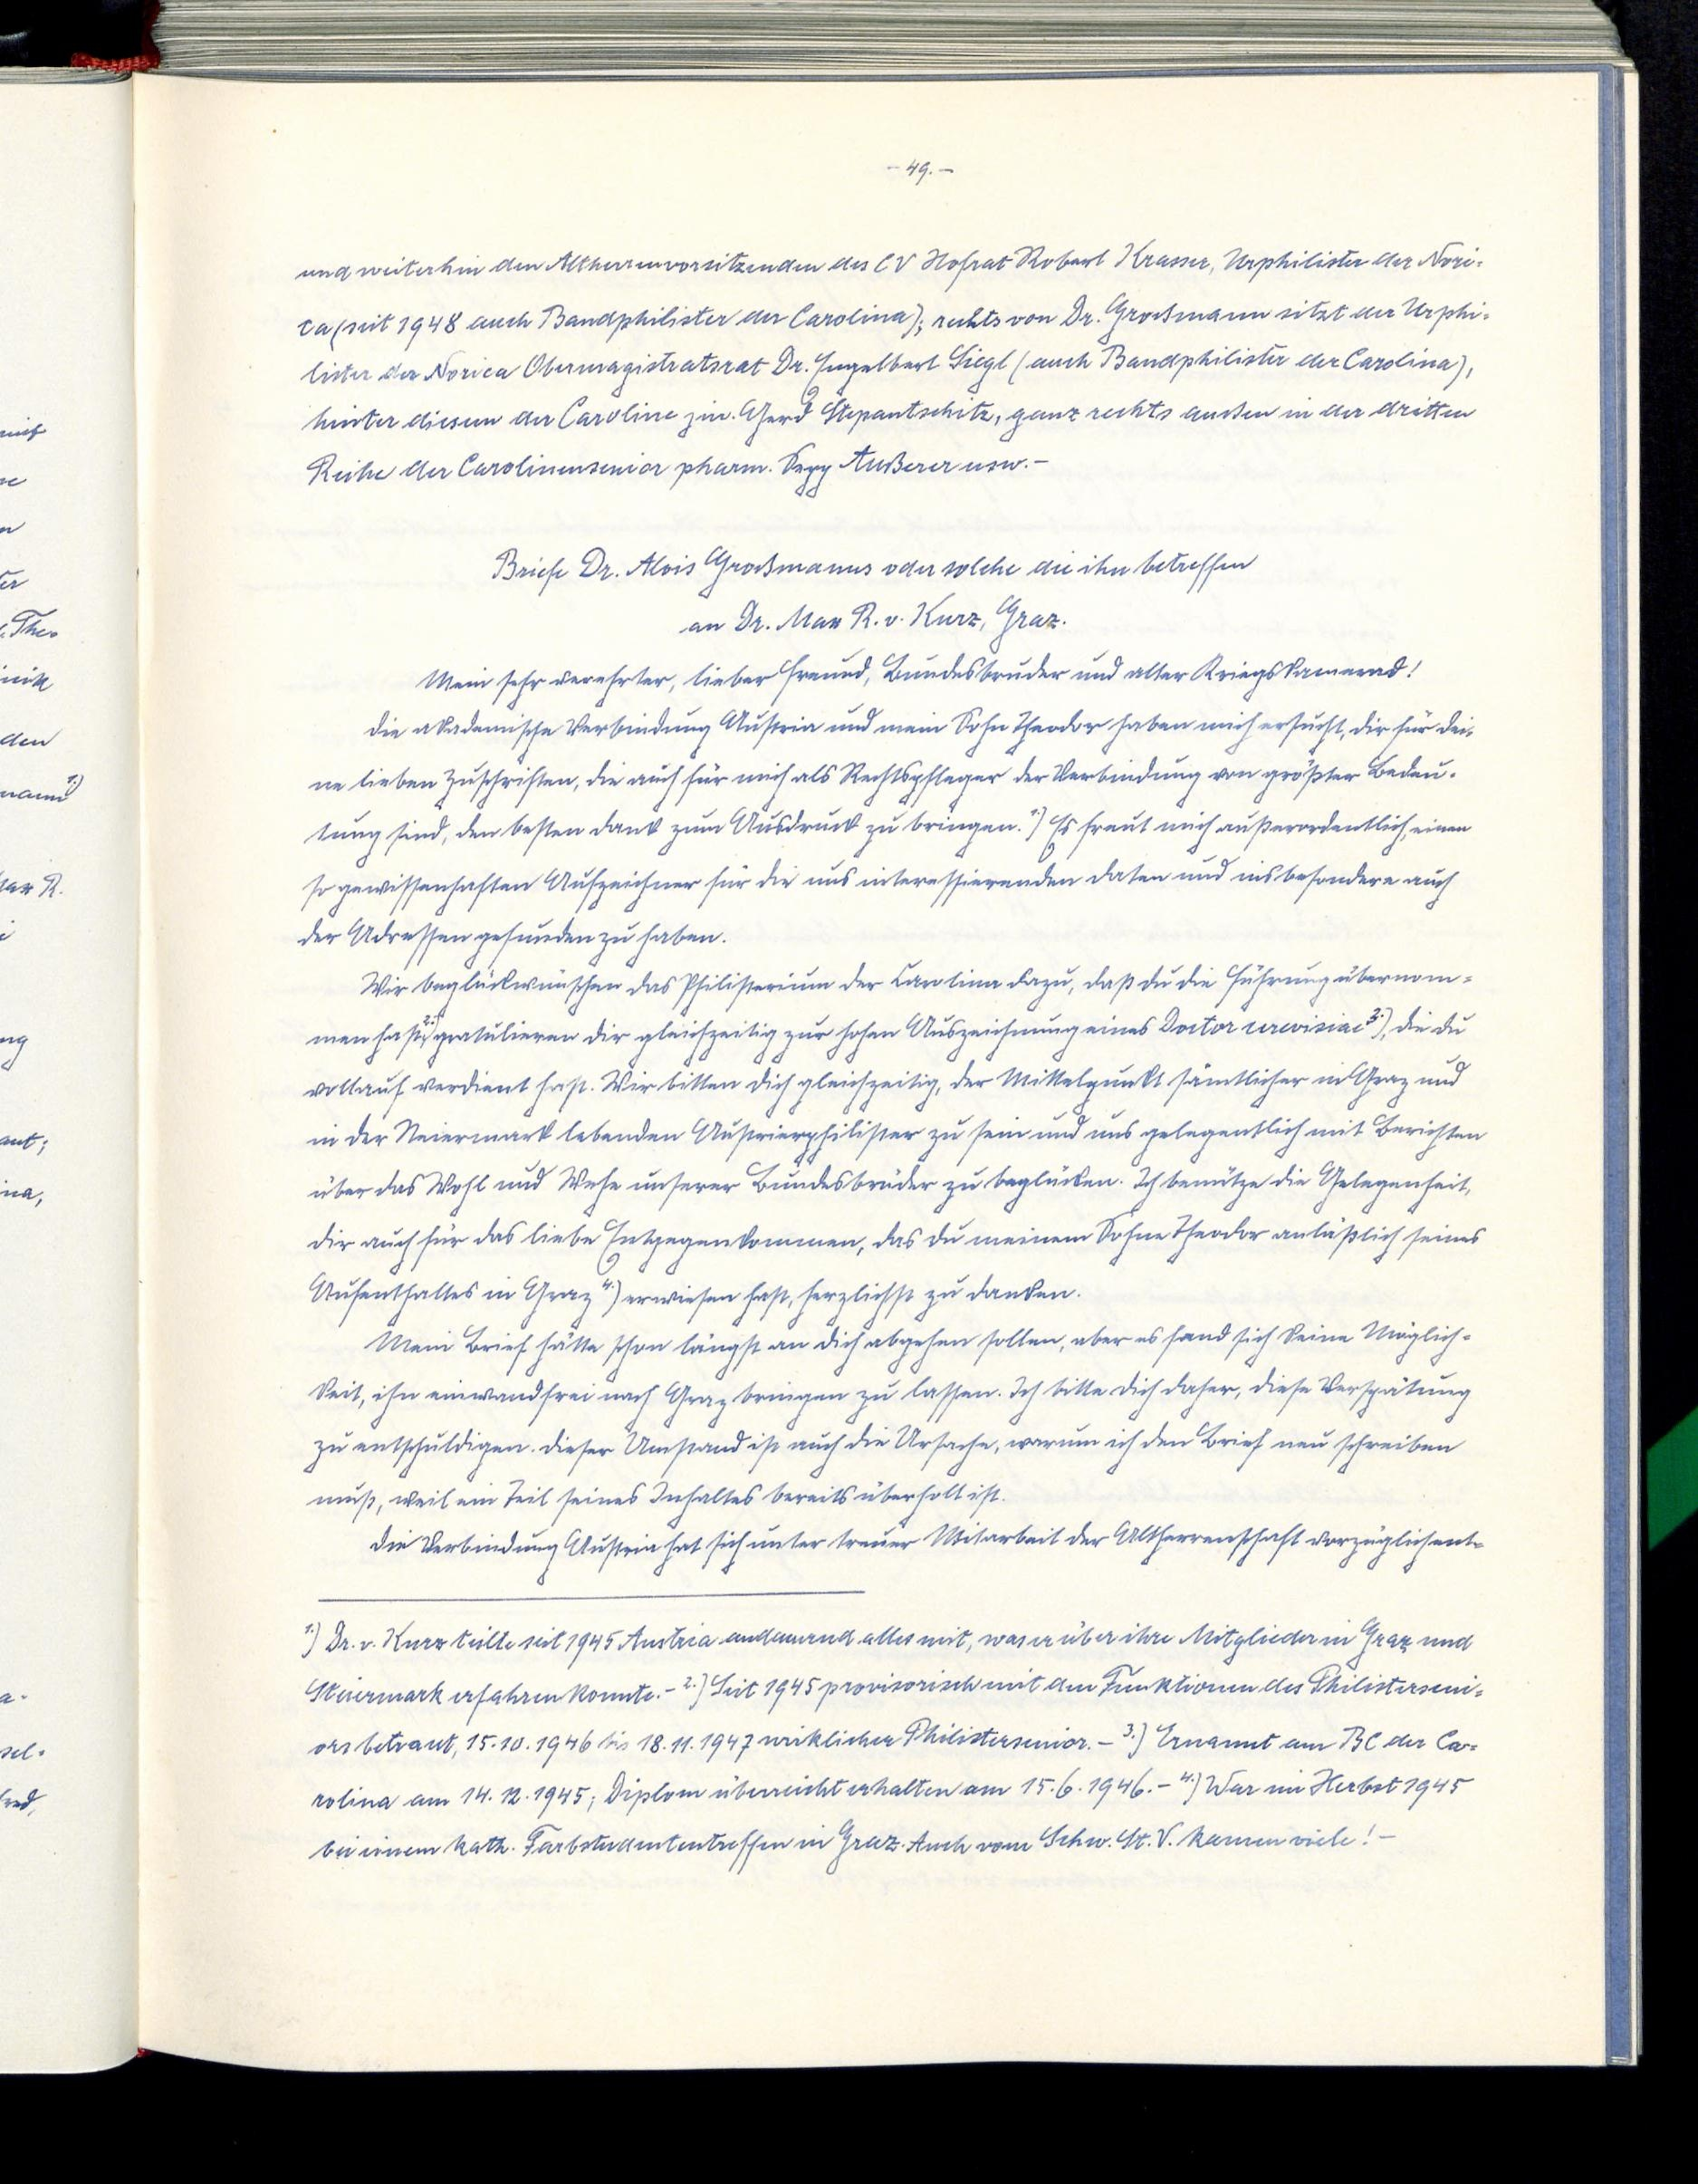49
und weiterhin den Altherrenvorsitzenden des CV Hofrat Robert Krasser, Urphilister Nori-
ca (seit 1948 auch Bandphilister der Carolina), rechts von Dr. Großmann sitzt der Urphi-
lister der Norica Obermagistratsrat Dr. Engelbert Siegl ( auch Bandphilister der Carolina),
hinter diesem der Carolina iur. Gerd Stepantschitz, ganz rechts außen in der dritten
Reihe der Carolinensenior pharm. Sepp Außerer. usw.
Briefe Dr. Alois Großmanns oder solche die ihn betreffen
an Dr. Max R. v. Kurz Graz.
Meine sehr verehrter, lieber Freund, Bundesbruder und alter Kriegskamerad!
Die akademische Verbindung Austria und mein Sohn Theodor haben mich ersucht, dir für die-
nen lieben Zuschriften, die auch für mich als Rechtspfleger der Verbindung von größter Bedeu-
tung sind, den besten Dank zum Ausdruck zu bringen.1) Es freut mich außerordentlich, einen
so gewissenhaften Aufzeichner für die uns interessierenden Daten und insbesondere auch
der Adressen gefunden zu haben.
Wir beglückwünschen das Philisterium der Carolina dazu, daß du die Führung übernom-
men hast.2), gratulieren dir gleichzeitig zur hohen Auszeichnung eines Doctor cervisiae 3), die du
vollauf verdient hast. Wir bitten dich gleichzeitig, der Mittelpunkt sämtlicher in Graz und
in der Steiermark lebenden Austrierphilister zu sein und uns gelegentlich mit Berichten
über das Wohl und Wehe unserer Bundesbrüder zu beglücken. Ich benütze die Gelegenheit,
die er auch für das liebe Entgegenkommen, das du meinem Sohne Theodor anläßlich seines
Aufenthaltes in Graz 4) erwiesen hat, herzlichst zu danken.
Mein Brief hätte schon längst an dich abgehen sollen, aber es fand sich keine Möglich-
keit, ihn einwandfrei nach Graz bringen zu lassen. Ich bitte dich daher, diese Verspätung
zu entschuldigen. Dieser Umstand ist auch die Ursache, warum ich den Brief nun neu schreiben
muß, weil ein Teil seines Inhaltes bereits überholt ist.
Die Verbindung Austria hat sich unter treuer Mitarbeit der Altherrenschaft vorzüglich ent
1) Dr. v. Kurz teilte seit 1945 Austria andauernd alles mit, was er über ihre Mitglieder in Graz und
Steiermark erfahren konnte.- 2) Seit 1945 provisorisch mit den Funktionen des Philisterseni-
ors betraut, 15.10.1946 bis 18.11.1947 wirklicher Philistersenior..- 3) Ernannt am BC der Ca-
rolina am 14.12.1945, Diplom überreicht erhalten am 15.6.1946.- 4) War im Herbst 1945
bei einem kath. Farbstudententreffen in Graz. Auch vom Schw. St. V kamen viele!